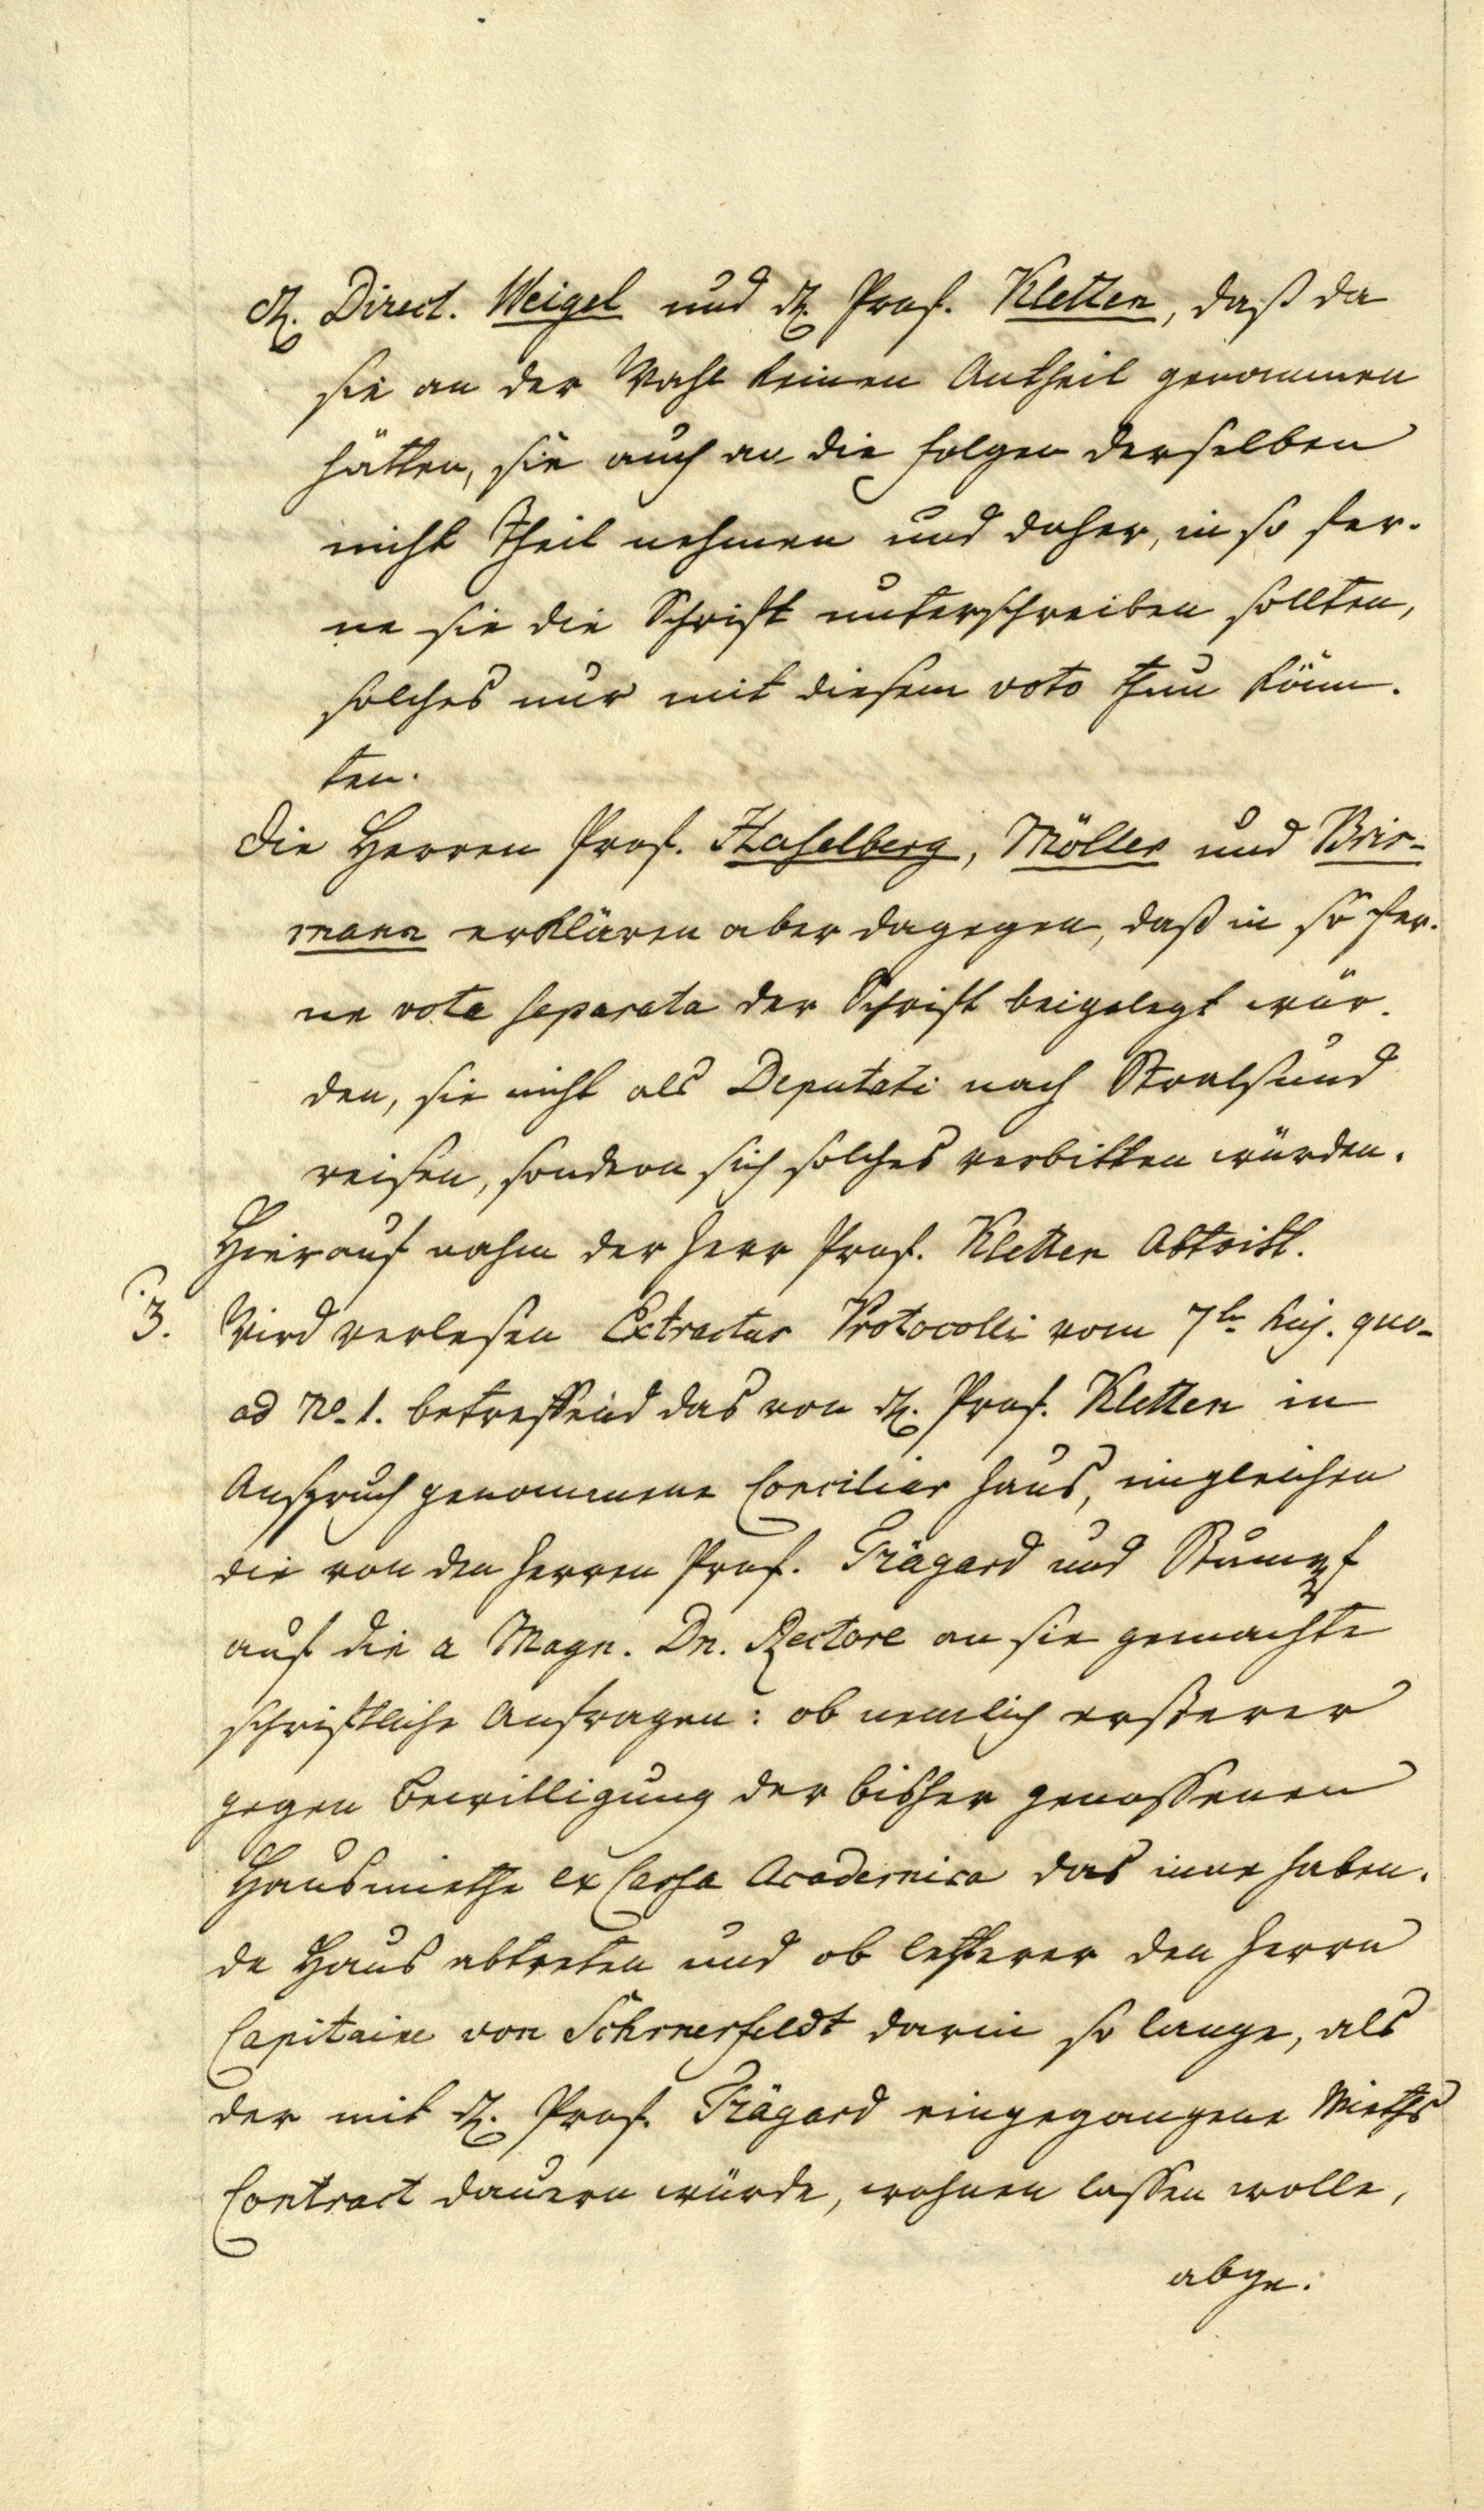dh. Direct. Weigel und dh. Prof. Kletten, daß da
sie an der Wahl keinen Antheil genommen
hätten, sie auch an die Folgen derselben
nicht Theil nehmen und daher, in so fer¬
ne sie die Schrift unterschreiben sollten,
solches nur mit diesem voto thun könne-
ten.
Die Herren Prof. Haselberg, Möller und Bris¬
mann erklären aber dagegen, daß in so fer¬
nen vota separata der Schrift beigelegt wer¬
den, sie nicht als Deputati nach Stralsund
reisen, sondern sich solches verbitten würden.
Hierauf nahm der Herr Prof. Kletten Abtritt.
3. Wird verlesen Extractus Protocolli vom 7. huj. quo¬
ad No. 1. betreffend das von dh. Prof. Kletten in
Anspruch genommene Conciliar Haus, imgleichen
die von den Herren Prof. Trägård und Stumpf
auf die a Magn. Dn. Rectore an sie gemachte
schriftliche Anfragen: ob nemlich ersterer
gegen Bewilligung der bisher genossenen
Hausmiethe ex Cassa Academica das inne haben¬
de Haus abtreten und ob letzterer den Herrn
Capitaine von Schmerfeldt darin so lange, als
der mit dh. Prof. Trägård eingegangene Mieths
Contract dauern würde, wohnen lassen wolle,
abge-